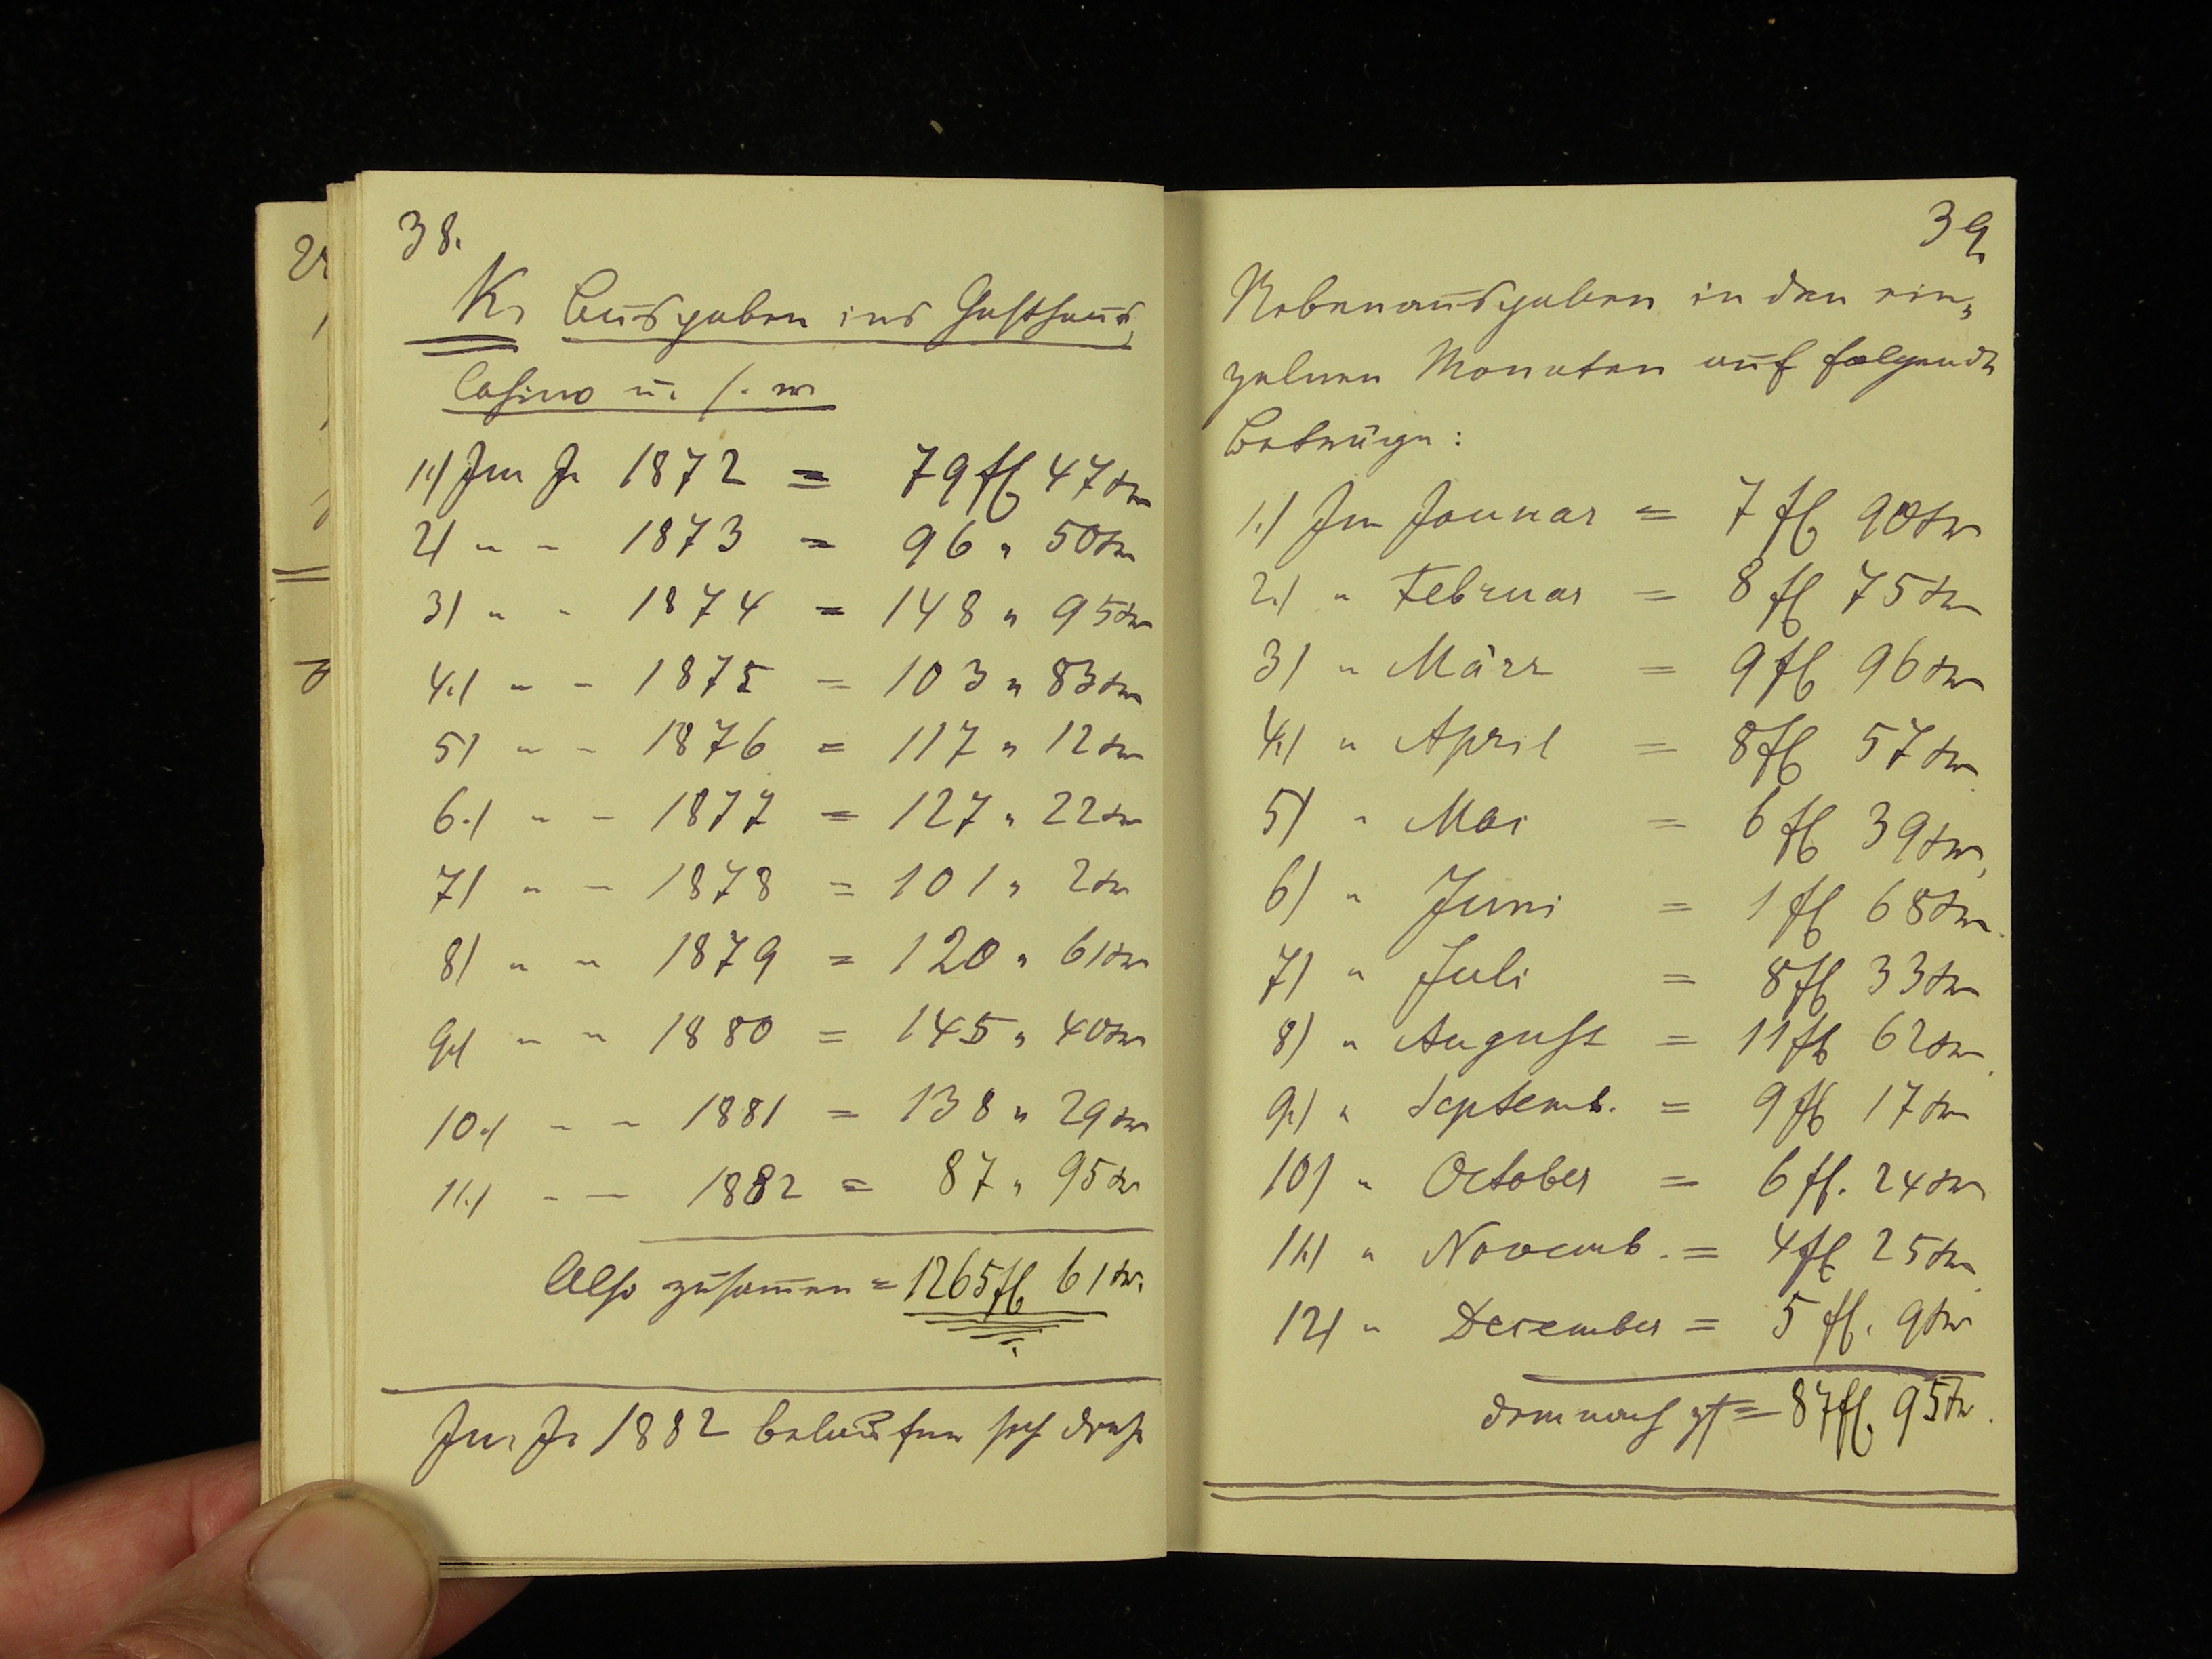38
K.) Ausgaben ins Gasthaus,
Casino u.s.w
1.) Im Jahr 1872 = 79 fl 47 tr
2.) * 1873 = 96 * 50 *
3.) * 1874 = 148 * 95 *
4.) * 1875 = 103 * 83 *
5.) * 1876 = 117 * 12 *
6.) * 1877 = 127 * 22 *
7.) * 1878 = 101 * 2 *
8.) * 1879 = 120 * 61 *
9.) * 1880 = 145 * 40 *
10.) * 1881 = 138 * 29 *
11.) * 1882 = 87 * 95 *
Also zusammen = 1265 * 61 *
Im Jahre 1882 belaufen sich diese…
39
…Nebenausgaben in den ein
zelnen Monaten auf folgende
Beträge:
1.) Im Januar = 7 fl 90 tw
2.) * Februar = 8 * 75 *
3.) * März = 9 * 96 *
4.) * April = 8 * 57 *
5.) * Mai = 6 * 39 *
6.) * Juni = 1 * 68 *
7.) * Juli = 8 * 33 *
8.) * August = 11 * 62 *
9.) * Septem. = 9 * 17 *
10.) * Octob. = 6 * 24 *
11.) * Novem. = 4 * 25 *
12.) * December = 5 * 9 *
Demnach zusammen = 87 * 95 *